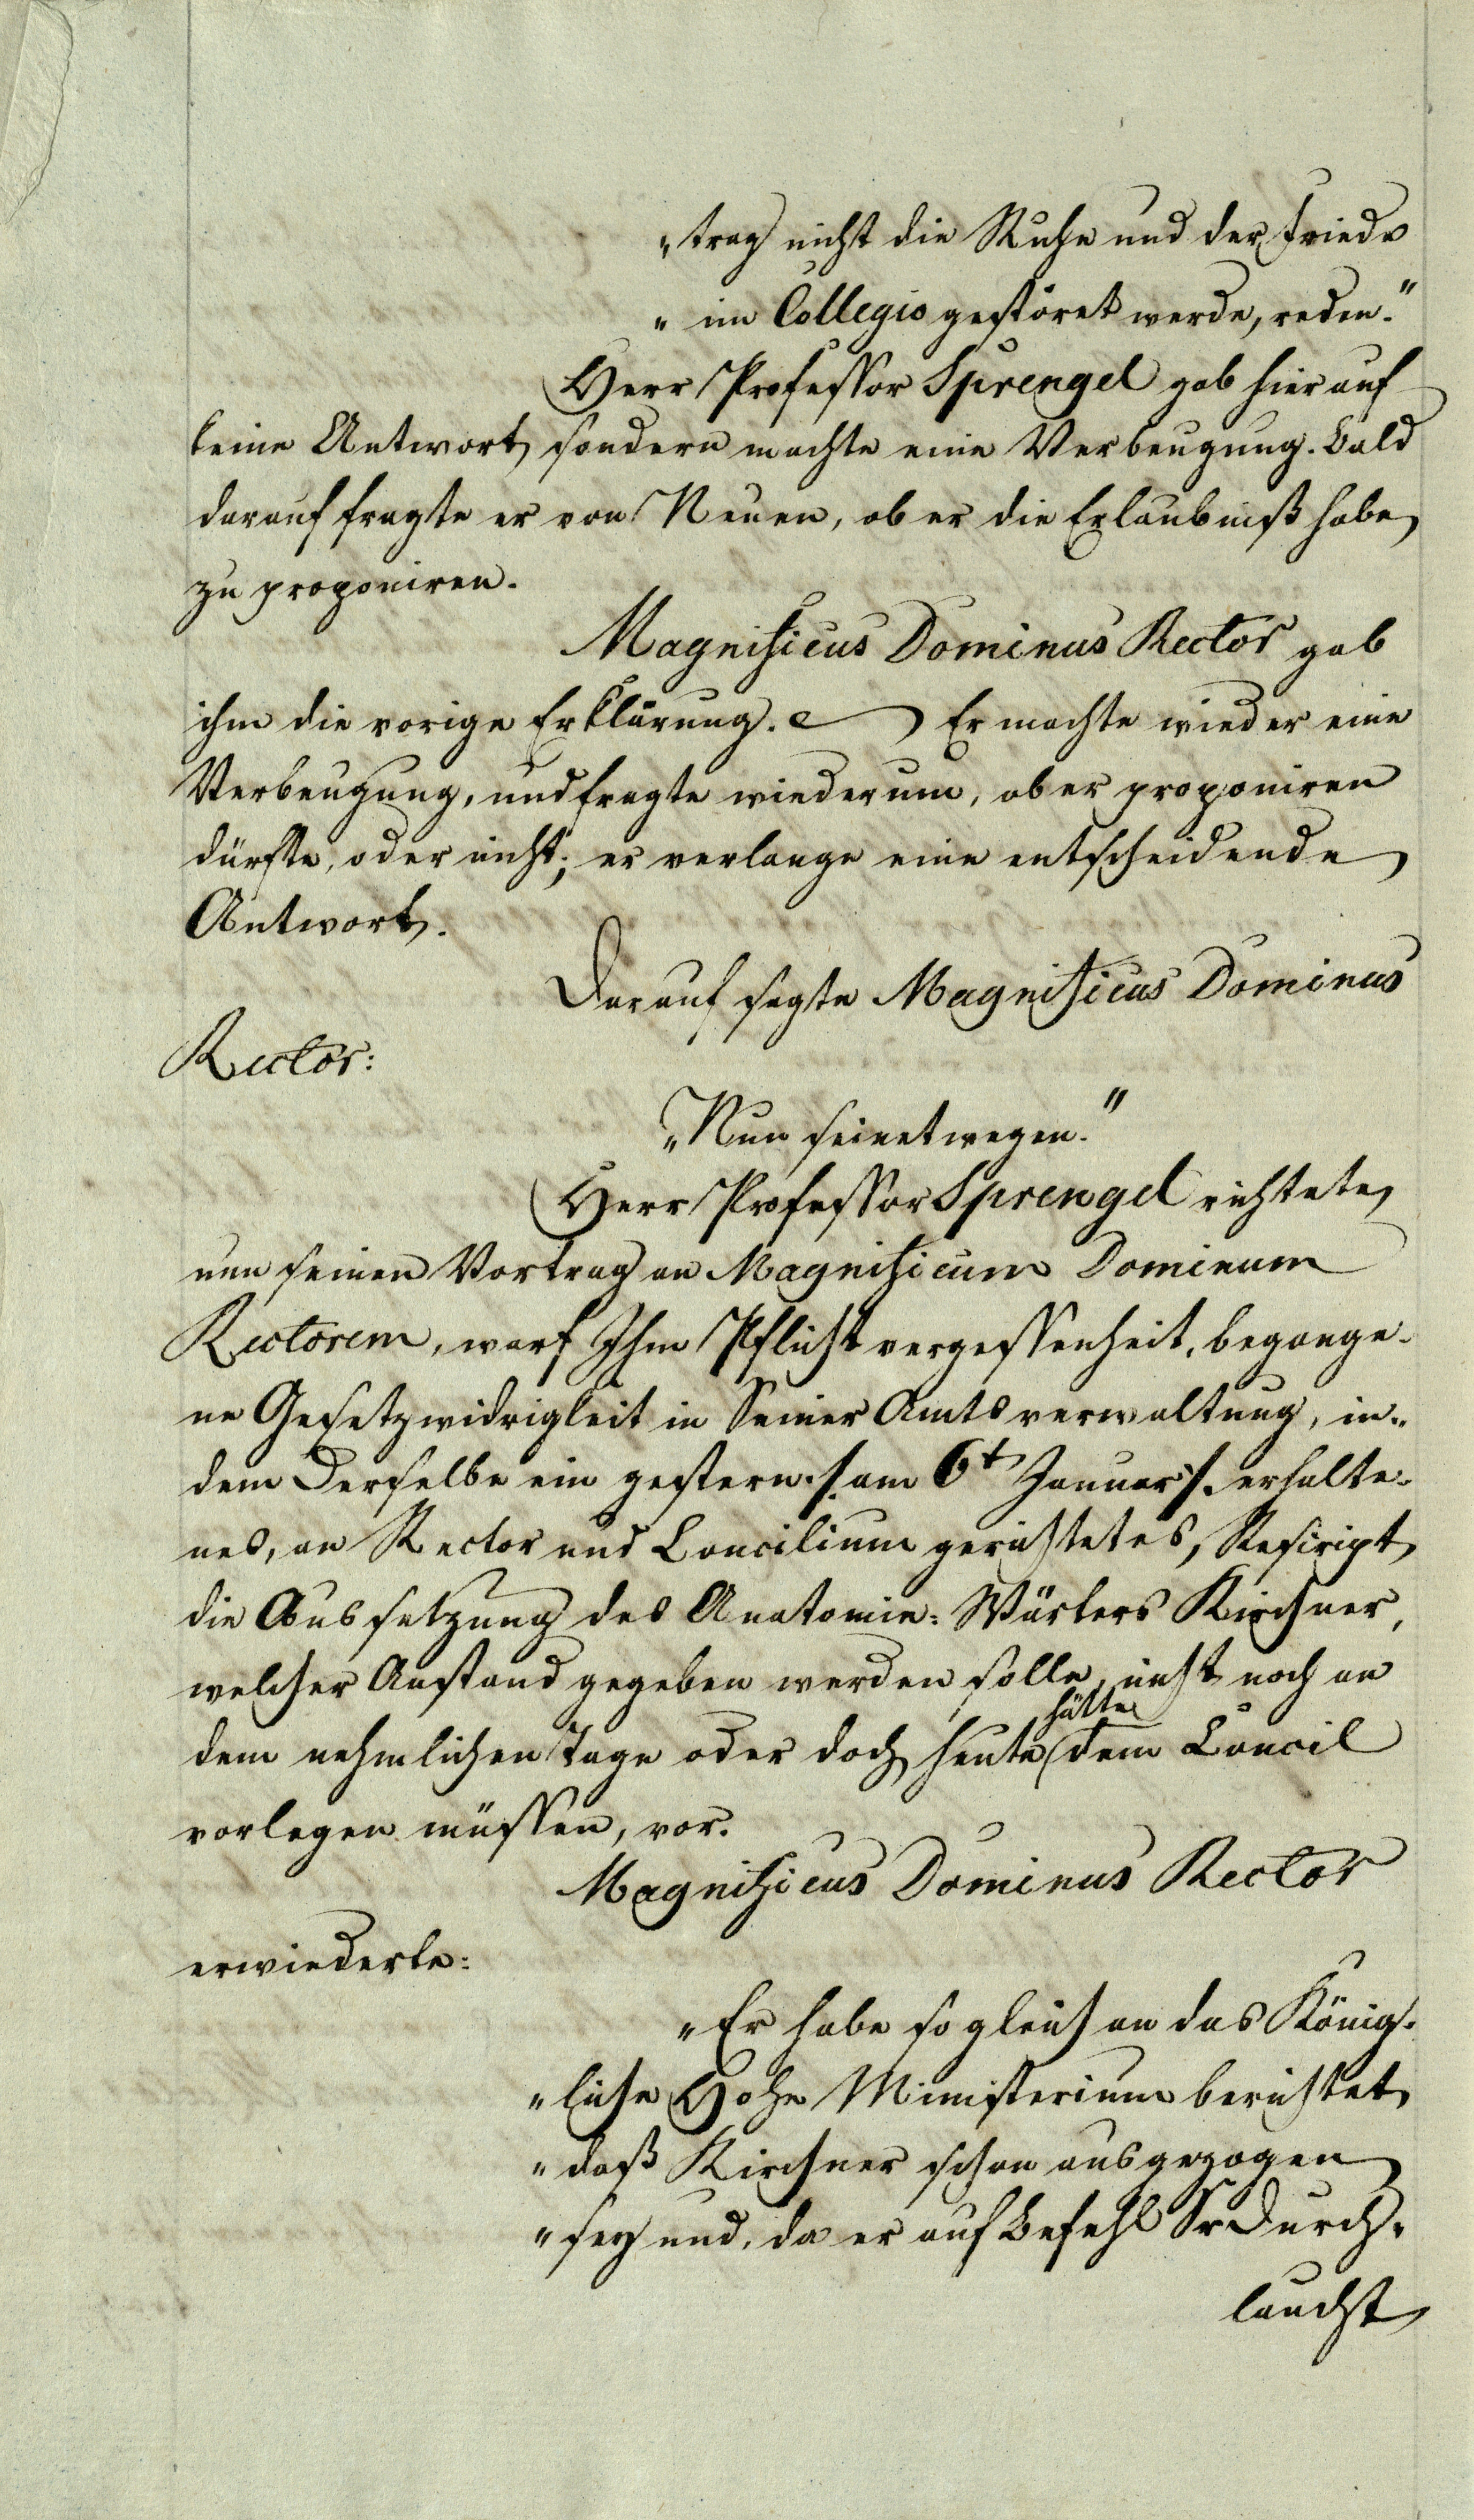"trag nicht die Ruhe und der Friede
"im Collegio gestöret werde, reden."
Herr Professor Sprengel gab hierauf
keine Antwort, sondern machte eine Verbeugung. Bald
darauf fragte er von Neuen, ob er die Erlaubniß habe,
zu proponiren.
Magnificus Dominus Rector gab
ihm die vorige Erklärung. Er machte wieder eine
Verbeugung, und fragte wiederum, ob er proponiren
dürfte, oder nicht, er verlange eine entscheidende
Antwort.
Darauf sagte Magnificus Dominus
Rector:
"Nun seinet wegen."
Herr Professor Sprengel richtete
nun seinen Vortrag an Magnificum Dominum
Rectorem, warf Ihm Pflichtvergessenheit, begange¬
ne Gesetzwidrigkeit in Seiner Amtsverwaltung, in¬
dem derselbe ein gestern /. am 6 ten Januar/. erhalte¬
nes, an Rector und Concilium gerichtetes, Rescript
die Aussetzung des Anatomie- Wärters Kirchner,
welcher Anstand gegeben werden solle, nicht noch an
dem nehmlichen Tage oder doch heute hätte dem Concil
vorlegen müssen, vor.
Magnificus Dominus Rector
erwiederte:
"Er habe so gleich an das König¬
"liche Hohe Ministerium berichtet,
"daß Kirchner schon ausgezogen
sey und, da er auf Befehl Sr Durch¬
laucht